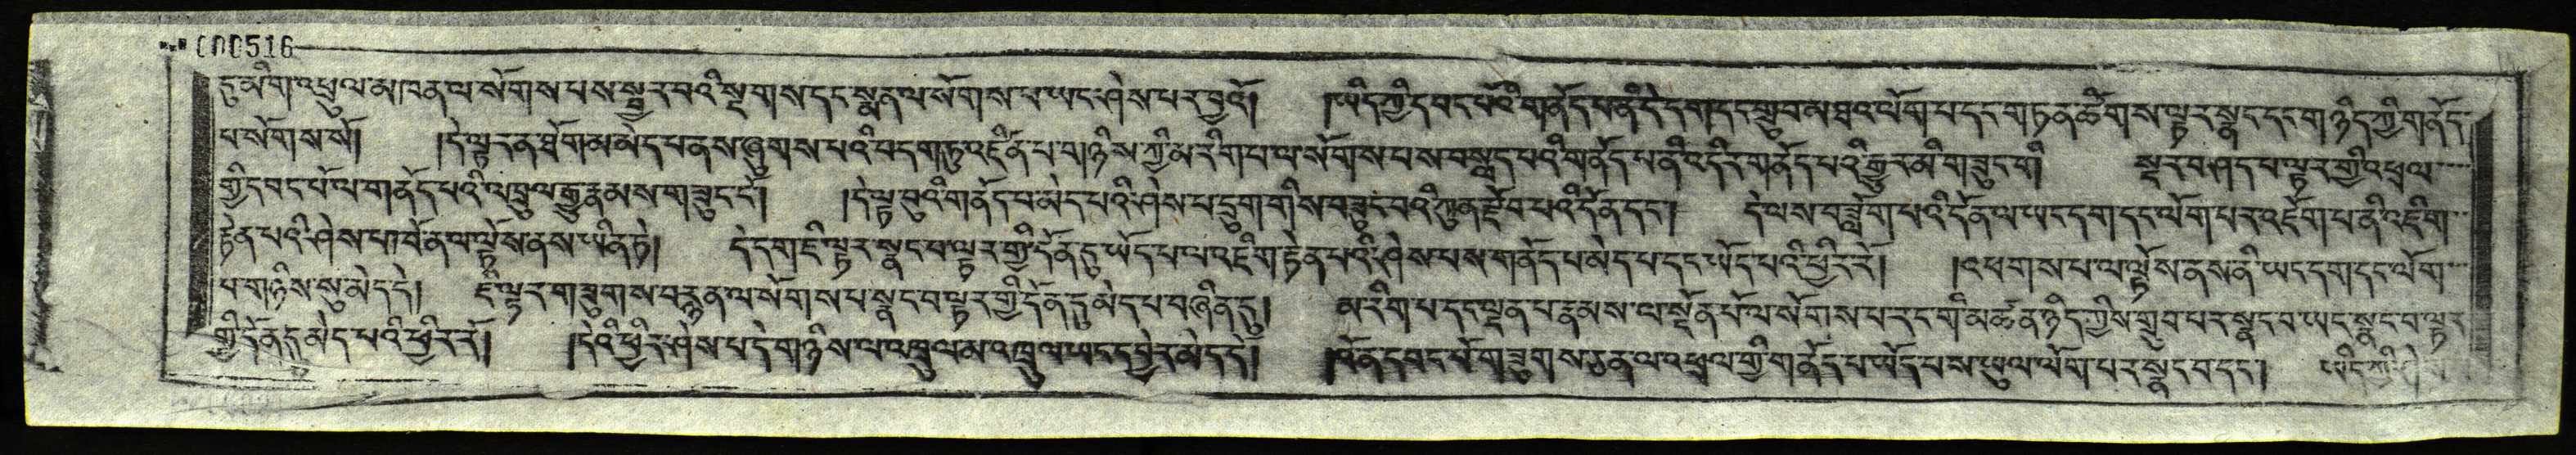དུ་མིག་འཕྲུལ་མཁན་ལ་སོགས་པས་སྦྱར་བའི་སྔགས་དང་སྨན་ལ་སོགས་པ་ཡང་ཤེས་པར་བྱའོ། །ཡིད་ཀྱི་དབང་པོའི་གནོད་པ་ནི་དེ་དག་དང་གྲུབ་མཐའ་ལོག་པ་དང་གཏན་ཚིགས་ལྟར་སྣང་དང་གཉིད་ཀྱི་གནོད་
པ་སོགས་སོ། །དེ་ལྟར་ན་ཐོག་མེད་པ་ནས་ཞུགས་པའི་བདག་ཏུ་འཛིན་པ་གཉིས་ཀྱི་མ་རིག་པ་ལ་སོགས་པས་བསླད་པའི་གནོད་པ་ནི་འདིར་གནོད་པའི་རྒྱུར་མི་གཟུང་གི་སྔར་བཤད་པ་ལྟར་གྱི་འཕྲལ་
གྱི་དབང་པོ་ལ་གནོད་པའི་འཁྲུལ་རྒྱུ་རྣམས་གཟུང་ངོ། །དེ་ལྟ་བུའི་གནོད་པ་མེད་པའི་ཤེས་པ་དྲུག་གིས་བཟུང་བའི་ཀུན་རྫོབ་པའི་དོན་དང་། དེ་ལས་བཟློག་པའི་དོན་ལ་ཡང་དག་དང་ལོག་པར་འཇོག་པ་ནི་འཇིག་
རྟེན་པའི་ཤེས་པ་ཁོ་ན་ལ་ལྟོས་ནས་ཡིན་ཏེ། དེ་དག་ཇི་ལྟར་སྣང་པ་ལྟར་གྱི་དོན་དུ་ཡོད་པ་ལ་འཇིག་རྟེན་པའི་ཤེས་པས་གནོད་པ་མེད་པ་དང་ཡོད་པའི་ཕྱིར་རོ། །འཕགས་པ་ལ་ལྟོས་ནས་ནི་ཡང་དག་དང་ལོག་
པ་གཉིས་སུ་མེད་དེ། ཇི་ལྟར་གཟུགས་བརྙན་ལ་སོགས་པ་སྣང་བ་ལྟར་གྱི་དོན་དུ་མེད་པ་བཞིན་དུ། མ་རིག་པ་དང་ལྡན་པ་རྣམས་ལ་སྔོན་པོ་ལ་སོགས་པ་རང་གི་མཚན་ཉིད་ཀྱིས་གྲུབ་པར་སྣང་བ་ཡང་སྣང་བ་ལྟར་
གྱི་དོན་དུ་མེད་པའི་ཕྱིར་རོ། །དེའི་ཕྱིར་ཤེས་པ་དེ་གཉིས་ལ་འཁྲུལ་མ་འཁྲུལ་ཡང་དབྱེར་མེད་དོ། །འོན་དབང་པོ་གཟུགས་ཅན་ལ་འཕྲལ་གྱི་གནོད་པ་ཡོད་པས་ཡུལ་ལོག་པར་སྣང་བ་དང་། ཡིད་ཀྱི་ཤེས་པ་